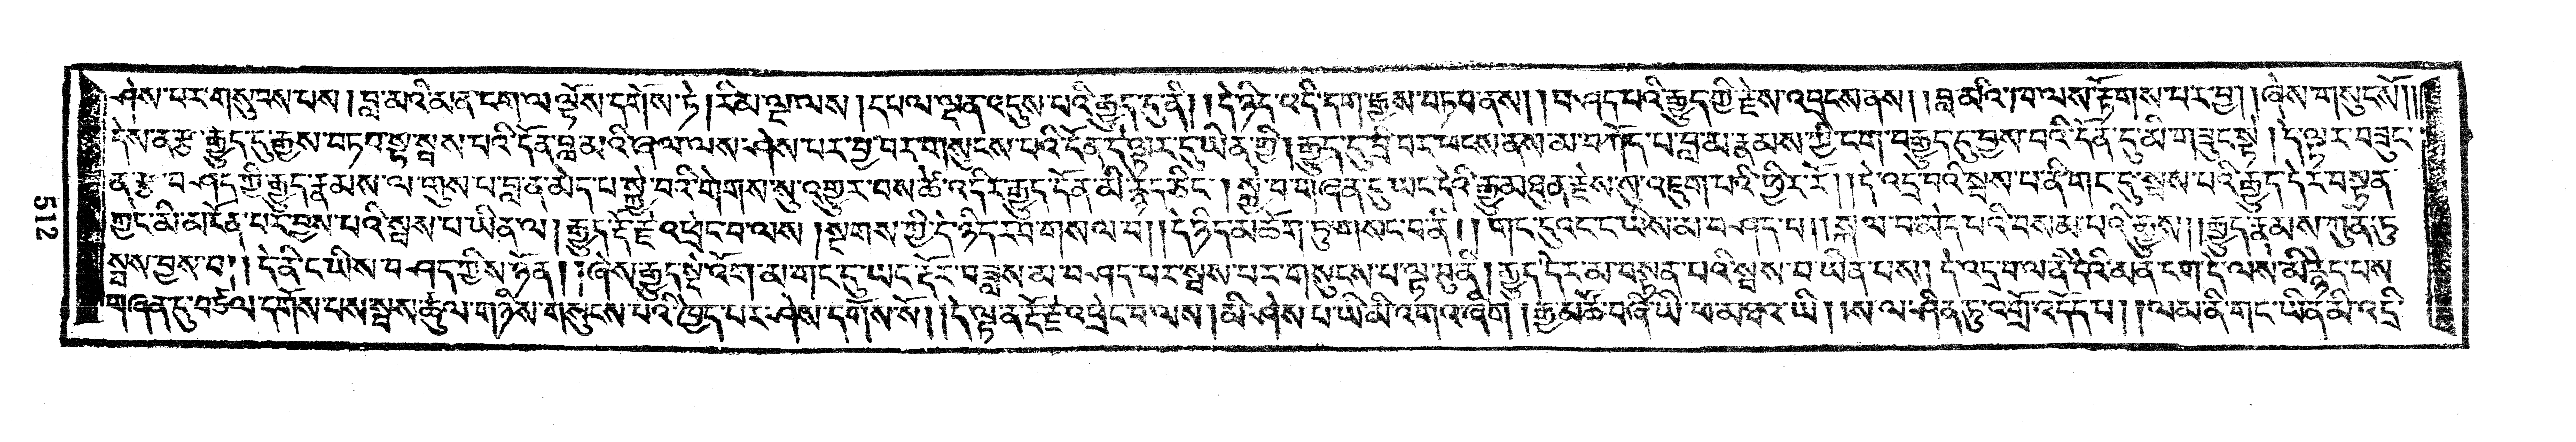ཤེས་པར་གསུབས་པས། བླ་མའི་མན་ངག་ལ་ལྟོས་དགོས་ཏེ། རིམ་ལྔ་ལས། དཔལ་ལྡན་འདུས་པའི་རྒྱུད་དུ་ནི། །དེ་ཉིད་འདི་དག་རྒྱས་བཏབ་ནས། །བཤད་པའི་རྒྱུད་ཀྱི་རྗེས་འབྲངས་ནས། །བླ་མའི་ཁ་ལས་རྟོགས་པར་བྱ། །ཞེས་གསུངས་སོ། །
དེས་ན་རྩ་རྒྱུད་དུ་རྒྱས་བཏབ་སྟེ་སྦས་པའི་དོན་བླ་མའི་ཞལ་ལས་ཤེས་པར་བྱ་བར་གསུངས་པའི་དོན་དེ་ལྟར་དུ་ཡིན་གྱི། རྒྱུད་དུ་བྲི་བར་ཕངས་ནས་མ་བཀོད་པ་བླ་མ་རྣམས་ཀྱི་ངག་བརྒྱུད་དུ་བྱས་པའི་དོན་དུ་མི་གཟུང་སྟེ། དེ་ལྟར་བཟུང་
ན་རྩ་བཤད་ཀྱི་རྒྱུད་རྣམས་ལ་གུས་པ་བླ་ན་མེད་པ་སྐྱེ་བའི་གེགས་སུ་འགྱུར་བས་ཚེ་འདིར་རྒྱུད་དོན་མི་རྙེད་ཅིང་། སྐྱེ་བ་གཞན་དུ་ཡང་དེའི་རྒྱུ་མཐུན་རྗེས་སུ་འཇུག་པའི་ཕྱིར་རོ། །དེ་འདྲ་བའི་སྦས་པ་ནི་གང་དུ་སྦས་པའི་རྒྱུད་དེར་བསྟན་
ཀྱང་མི་མངོན་པར་བྱས་པའི་སྦས་པ་ཡིན་ལ། རྒྱུད་རྡོ་རྗེ་འཕྲེང་བ་ལས། སྔགས་ཀྱི་དེ་ཉིད་རབ་གསལ་བ། །དེ་ཉིད་མཆོག་ཏུ་གསང་བ་ནི། །གང་དུའང་ང་ཡིས་མ་བཤད་པ། །སྐལ་བ་མེད་པའི་བསམ་པའི་རྒྱུས། །རྒྱུད་རྣམས་ཀུན་ཏུ་
སྦས་བྱས་པ། །དེ་ནི་ང་ཡིས་བཤད་ཀྱིས་ཉོན། །ཞེས་རྒྱུད་སྡེ་འོག་མ་གང་དུ་ཡང་རྡོར་བཟླས་མ་བཤད་པར་སྦས་པར་གསུངས་པ་ལྟ་བུ་ནི། རྒྱུད་དེར་མ་བསྟན་པའི་སྦས་པ་ཡིན་པས། དེ་འདྲ་བ་ལ་ནི་དེའི་མན་ངག་དེ་ལས་མི་རྙེད་པས་
གཞན་དུ་བཙལ་དགོས་པས་སྦས་ཚུལ་གཉིས་གསུངས་པའི་ཁྱད་པར་ཤེས་དགོས་སོ། །དེ་ལྟ་ན་རྡོ་རྗེ་འཕྲེང་བ་ལས། མི་ཤེས་པ་ཡི་མི་འགའ་ཞིག །རྒྱ་མཚོ་བཞི་ཡི་ཕ་མཐའ་ཡི། །ས་ལ་ཤིན་ཏུ་འགྲོ་འདོད་པ། །ལམ་ནི་གང་ཡིན་མི་འདྲི་